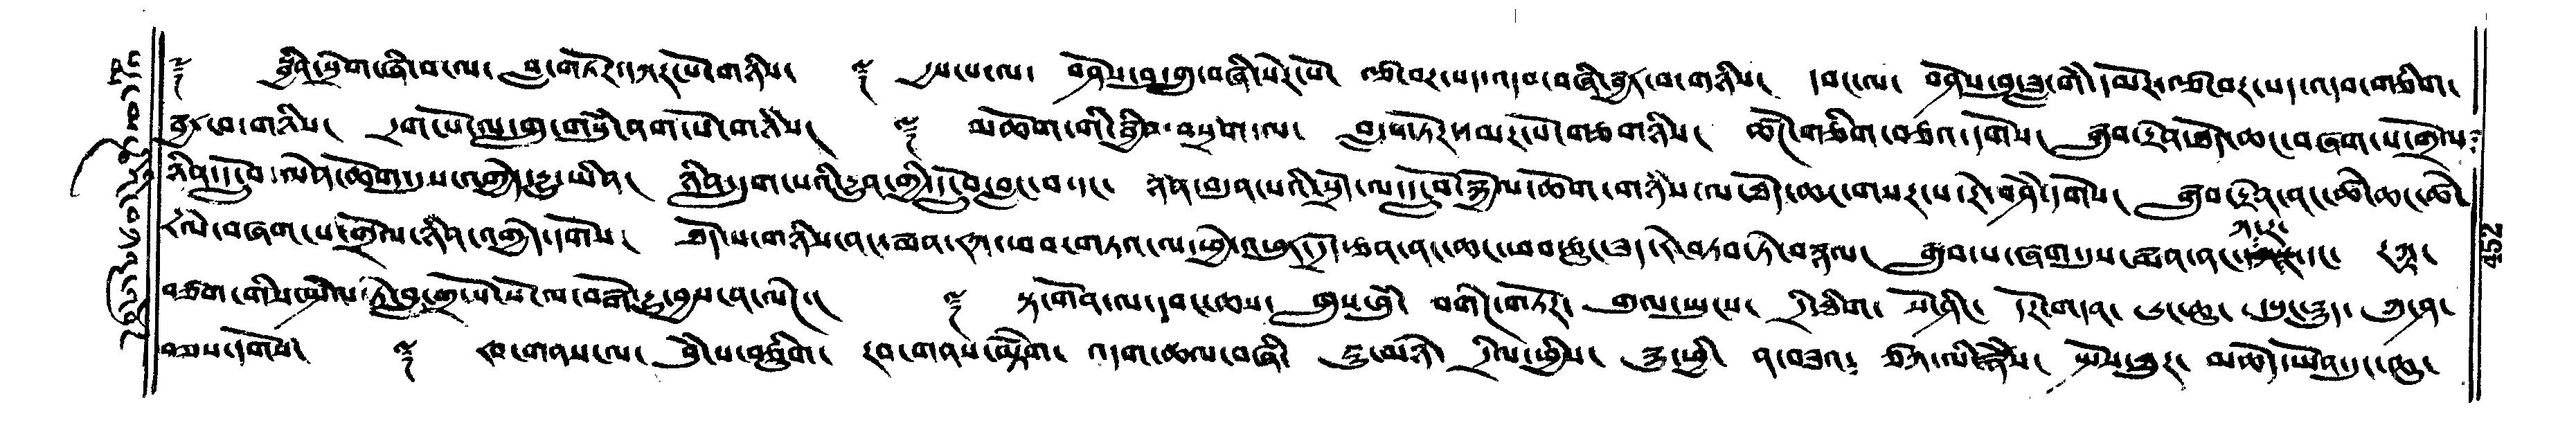༈ སྦྱིན་སྲེག་ཞི་བ་ལ། བླ་གཏོར་དཀར་པོ་གཉིས། ༈ རྒྱས་པ་ལ། བཤོས་བུ་གྲུ་བཞི་སེར་པོ། རྩ་བར་པད་འདབ་བཞི་སྦྱར་བ་གཉིས། དབང་ལ། བཤོས་བུ་ཟླ་གམ་རྩ་བར་པད་འདབ་གཅིག་
སྦྱར་བ་གཉིས། དྲག་པོ་ལ་གྲུ་གསུམ་ནག་པོ་གཅིག ༈ མཆོག་གི་སྦྱིན་སྲེག་ལ། བླ་གཏོར་དམར་པོ་གཉིས། ཚོགས་གཅིག་བཅའ་དགོས། སྒྲུབ་རྟེན་ཐོད་ཆང་བཞག་པ་གྲོལ་
ཉིན་དངོས་གྲུབ་ལེན་ཆོག་དུས་འགྱེད་རྒྱུ་ཡིན། ཉིན་དྲུག་པའི་རྒྱུན་གྱི་དངོས་གྲུབ་བླང་བ་དང་། ཉིན་བདུན་པའི་སྲོད་ལ་དངོས་གྲུབ་ལེན་ཆོག་གཉིས་ལ་ཐོད་ཆང་གསར་པ་རེ་བཤམ་དགོས། སྒྲུབ་རྟེན་ནང་ཚེ་ཆང་ཚེ་
རིལ་བཞག་པ་གྲོལ་ཉིན་འགྱེད་དགོས། ཐོད་པ་གཉིས་ནང་སྨན་རཀ་ཕབ་གཏའ་ལ་ཕྱེ་འཕུར་དྲོད་ཅན་ནང་ཆང་ཕབ་ཅུང་ཟད་རེ་བཏབ་ཏེ་བསྙལ། སྒྲུབ་པ་ཞག་དུས་སྨན་ནང་ཀ་ར་དང་། རཀྟ། 
བཙག་གིས་སྤེལ་ཏེ་བླ་གྲྭ་སོ་སོ་ལ་བགོ་རྒྱུ་བྱས་ན་ལེགས། ༈ སྟ་གོན་ལ་དབང་ཆས། ཁྲུས་བུམ། བགེགས་གཏོར། གུལ་ཡུངས། དྲི་ཐིག སོ་ཤིང་། དོར་གདན། རུང་ཆུ། དཔུང་སྐུད། ཀུ་ཤ་
བཅས་དགོས། ༈ རབ་གནས་ལ། བུམ་པ་བཅུ་གཅིག རབ་གནས་མེ་ཏོག འདག་ཆལ་བཞི། བསྐུ་མཉེ། དྲིལ་ཕྱིས། སྐུ་ཕྱི། ན་བཟའ། ཙཀ་ལི་རྣམས། སྤོས་ཐུར། མཆོད་ཡོན་དུང་ཆུ།